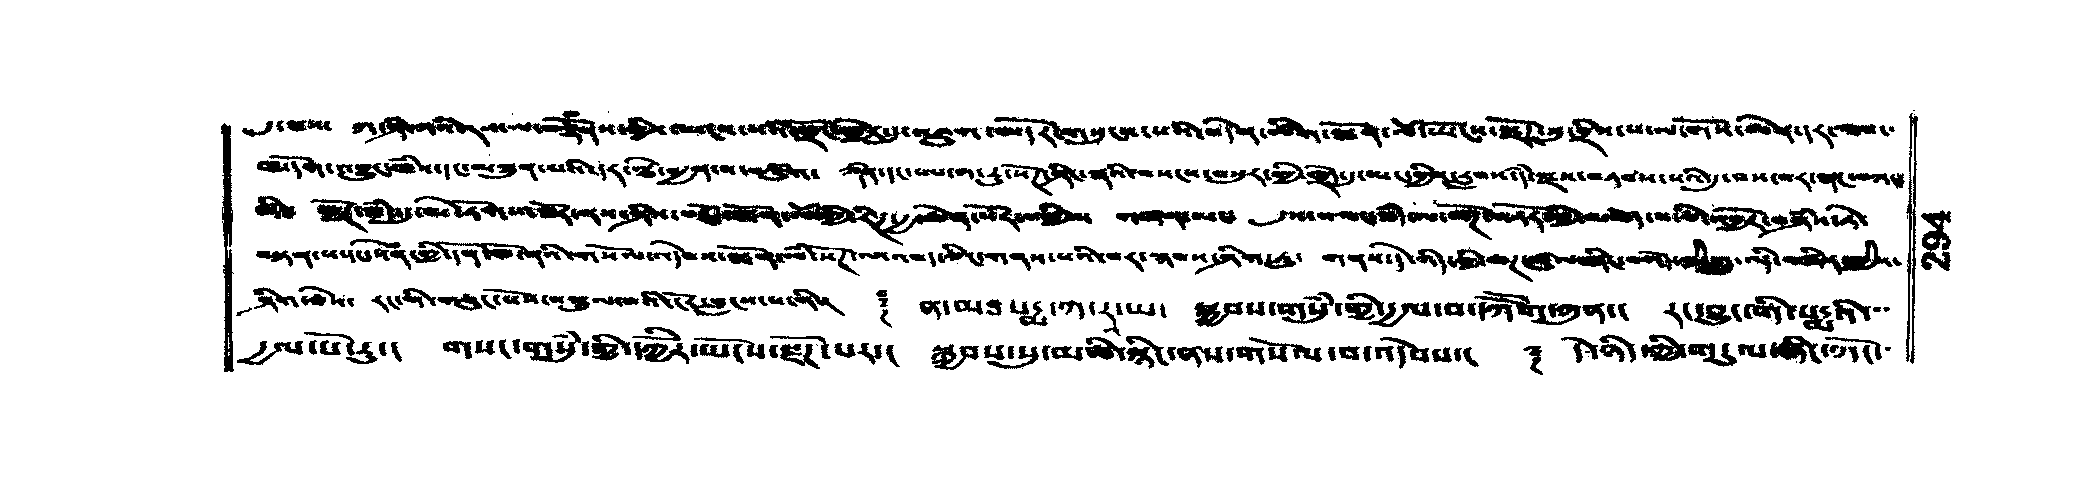དུ་སྦས། ཀ་ཤི་ཀའི་རས་ལ་བཅོམ་ལྡན་འདས་ཀྱིས་ཡངས་པའི་གྲོང་ཁྱེར་དུ་འཇུག་མདོར་གསུངས་པའི་བདེ་ཆིག་སྨོན་ལམ་ཡོངས་རྫོགས་སུ་བྲིས་པ་ལ་གོས་ཆེན་དར་ཟབ་ཁ་
དོག་འབྱུང་ཁམས་དང་མཐུན་པའི་དར་ལྕེས་བརྒྱན་པ་བཙུགས། ཙནྡན་དང་ཨ་ཀ་རུ་སོགས་ཤིང་སྣའི་བསངས་བསུར་གྱི་ཁྲོད་དུ་ཡང་བྱིན་རླབས་དམ་རྫས་བཏབ་པའི་དུ་བས་བར་སྣང་བཀང
་ཞིང་།ཕྱོགས་ཐམས་ཅད་དུ་མེ་ཏོག་འཐོར་ནས་ཤིས་བརྗོད་སྨོན་ལམ་གྱི་རིགས་རྒྱ་ཆེན་པོར་བྱས། གཞན་ཡང་། དུས་བཟང་ཐམས་ཅད་ལ་ཚོགས་གཏོར་གྱི་མཆོད་པ་ཅི་འབྱོར་བཤམས་ཏེ་
བསྟན་པ་དང་སེམས་ཅན་གྱི་དོན་ཁོ་ནའི་གསོལ་འདེབས་སྨོན་ལམ་སོགས་ལ་འབད་ཅིང་གནས་པའི་བར་སྐབས་ཤིག་ཏུ་གནས་དེ་ཉིད་ཀྱི་ཆགས་ཚུལ་ཞིང་བཀོད་ཀྱི་གླུ་འདིར་བཞིན་གྱིས་
ཤིག་ཅེས། རང་གི་གཅུང་པོས་བསྐུལ་བའི་ངོར་བླངས་པ་ནི། ༈ ན་མ་པདྨ་ཀ་རཱ་ཡ། སྐྱབས་གསུམ་གྱི་རྒྱལ་བ་དཀོན་མཆོག་ཀུན། །རང་བྱུང་གི་པདྨའི་
རྒྱལ་པོ་རུ། །གསང་གསུམ་གྱི་དཀྱིལ་འཁོར་ཡོངས་རྫོགས་པར། །སྐྱབས་སུ་མཆི་སྙིང་ནས་གསོལ་བ་འདེབས། །དེ་ཉིད་ཀྱི་གདུལ་ཞིང་ཀོང་